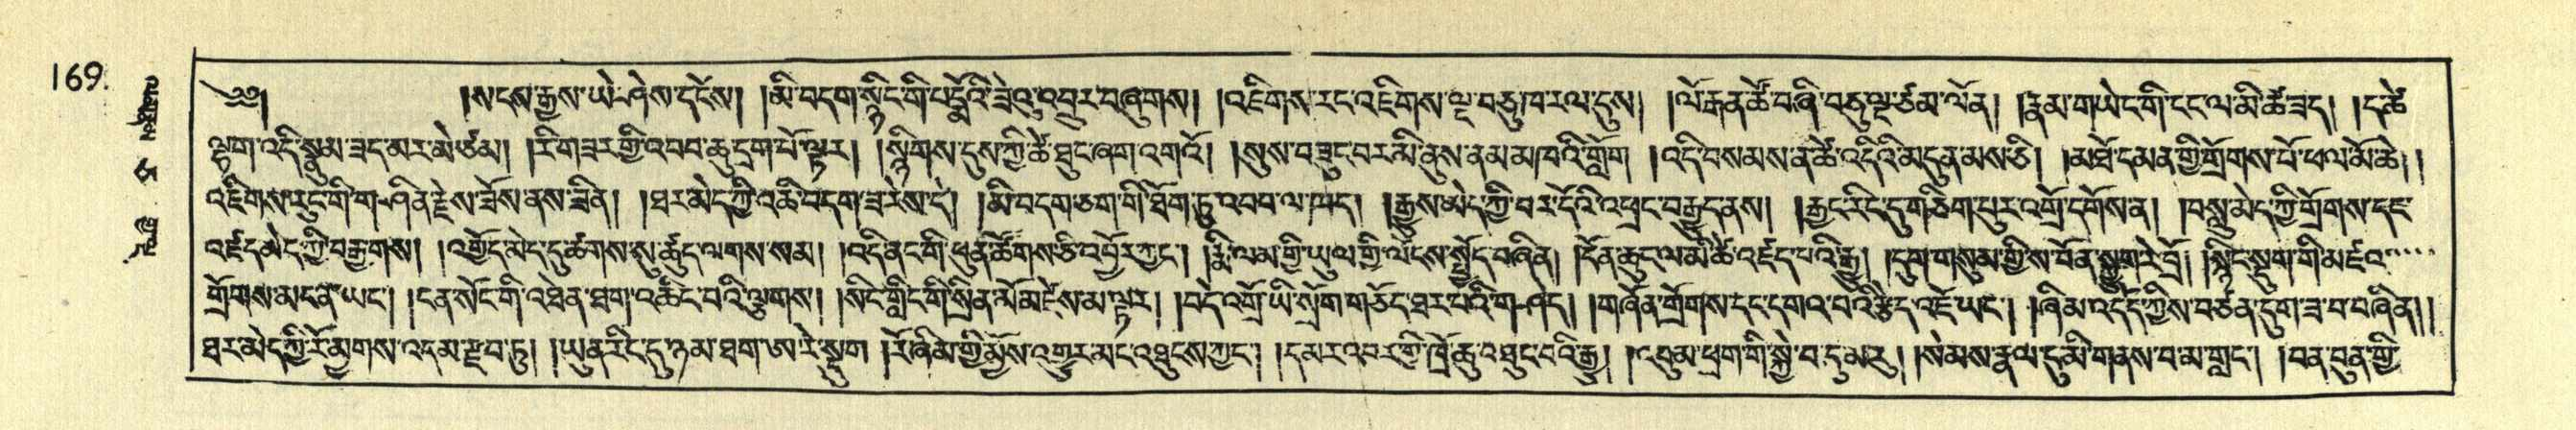༄༅། །སངས་རྒྱས་ཡེ་ཤེས་དངོས། །མི་བདག་སྙིང་གི་པདམོའི་ཟེའུ་འབྲུར་བཞུགས། །འཇིགས་རང་འཇིགས་ལྔ་བཅུ་ཁ་རལ་དུས། །ལོ་རྒན་ཚོ་བཞི་བཅུ་ལྔ་ཙམ་ལོན། །རྣམ་གཡེང་གི་ངང་ལ་མི་ཚེ་ཟད། །ད་ཚེ་
ལྷག་འདི་སྣུམ་ཟད་མར་མེ་ཙམ། །རི་གཟར་གྱི་འབབ་ཆུ་དྲག་པོ་ལྟར། །སྙིགས་དུས་ཀྱི་ཚེ་ཐུང་ཞག་འགའོ། །སུས་བཟུང་བར་མི་ནུས་ནམ་མཁའི་གློག །འདི་བསམས་ན་ཚེ་འདིའི་མདུན་མས་ཅི། །མཐོ་དམན་གྱི་གྲོགས་པོ་ཕལ་མོ་ཆེ། །
འཇིགས་རུང་གི་གཤིན་རྗེས་ཟོས་ནས་ཟིན། །ཐར་མེད་ཀྱི་འཆི་བདག་ཟ་རེས་དེ། །མི་བདག་ཅག་གི་ཐོག་ཏུ་འབབ་ལ་ཁད། །རྒྱུས་མེད་ཀྱི་བར་དོའི་འཕྲང་བརྒྱུད་ནས། །རྒྱང་རིང་དུ་གཅིག་པུར་འགྲོ་དོགས་ན། །བསླུ་མེད་ཀྱི་གྲོགས་དང་
འཛད་མེད་ཀྱི་བརྒྱགས། །འགྱོད་མེད་དུ་ཚགས་སུ་ཚུད་ལགས་སམ། །འདི་ནང་གི་ཕུན་ཚོགས་ཅི་འབྱོར་ཀྱང་། །རྨི་ལམ་གྱི་ཡུལ་གྱི་ལོངས་སྤྱོད་བཞིན། །དོན་ཆུང་ལ་མི་ཚེ་འཛད་པའི་རྒྱུ། །དུག་གསུམ་གྱི་ས་བོན་སྐྱུག་རེ་བྲོ། །སྙིང་སྡུག་གི་མཛའ་
གྲོགས་མངན་ཡང་། །ངན་སོང་གི་འཐེན་ཐག་འཆིང་བའི་ལྕགས། །སིང་གླིང་གི་སྲིན་མོ་མཛེས་མ་ལྟར། །བདེ་འགྲོ་ཡི་སྲོག་གཅོད་ཐར་པའི་གཤེད། །གཞོན་གྲོགས་དང་དགའ་བའི་རྩེད་འཇོ་ཡང་། །ཞིམ་འདོད་ཀྱིས་བཙན་དུག་ཟ་བ་བཞིན། །
ཐར་མེད་ཀྱི་རོ་མྱགས་འདམ་རྫབ་ཏུ། །ཡུན་རིང་དུ་ཉམ་ཐག་ཨ་རེ་སྡུག །རོ་ཞིམ་གྱི་མྱོས་འགྱུར་མང་འཐུངས་ཀྱང་། །དམར་འབར་གྱི་ཁྲོ་ཆུ་འཐུང་བའི་རྒྱུ། །འབུམ་ཕྲག་གི་སྐྱེ་བ་དུམ་རུ། །སེམས་རྣལ་དུ་མི་གནས་བ་མ་གླང་། །བན་བུན་གྱི་